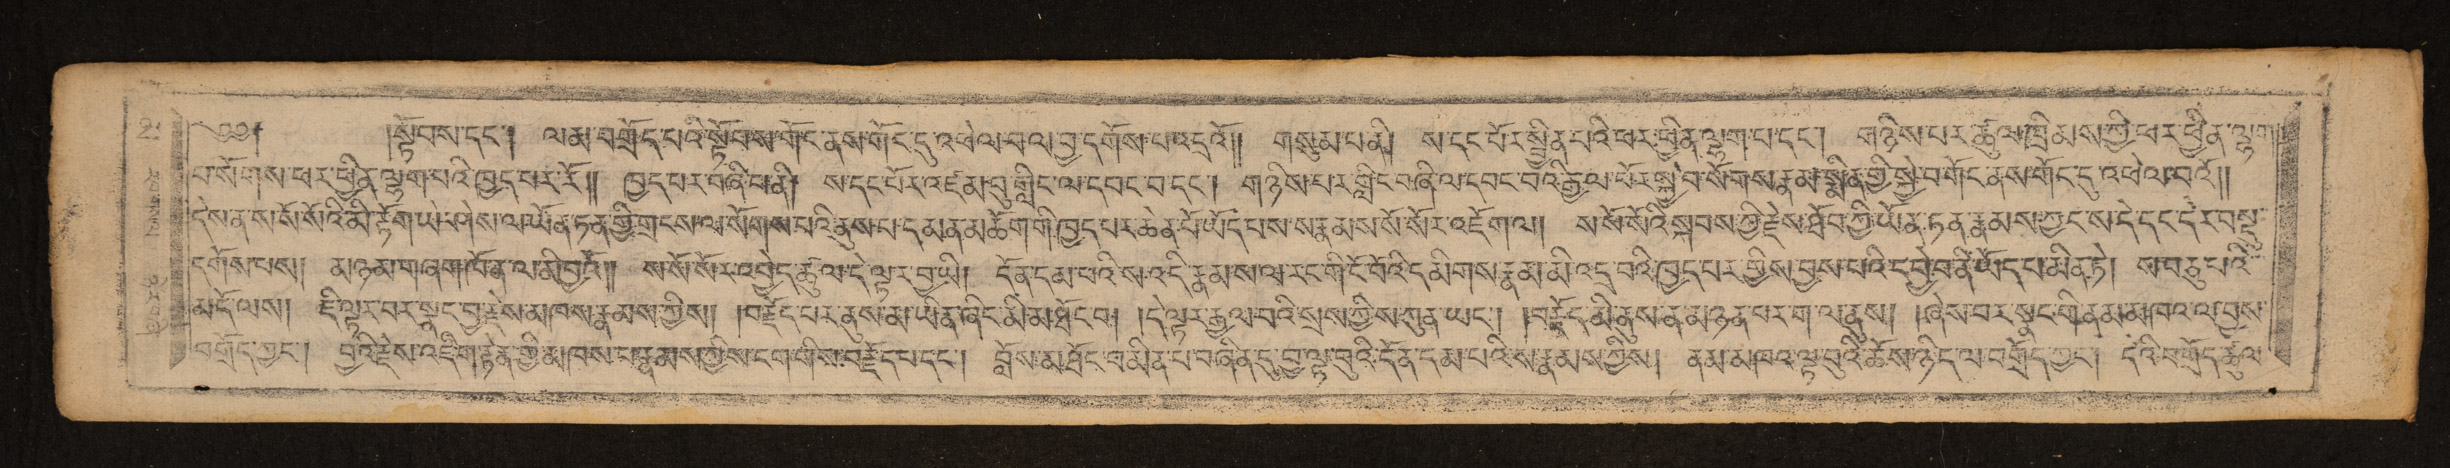༄༅། །སྟོབས་དང་། ལམ་བགྲོད་པའི་སྟོབས་གོང་ནས་གོང་དུ་འཕེལ་བ་ལ་བྱ་དགོས་པ་འདྲའོ།། གསུམ་པ་ནི། ས་དང་པོར་སྦྱིན་པའི་ཕར་ཕྱིན་ལྷག་པ་དང་། གཉིས་པར་ཚུལ་ཁྲིམས་ཀྱི་ཕར་ཕྱིན་ལྷག་
པ་སོགས་ཕར་ཕྱིན་ལྷག་པའི་ཁྱད་པར་རོ།། ཁྱད་པར་བཞི་པ་ནི། ས་དང་པོར་འཛམ་བུ་གླིང་ལ་དབང་བ་དང་། གཉིས་པར་གླིང་བཞི་ལ་དབང་བའི་རྒྱལ་པོར་སྐྱེ་བ་སོགས་རྣམ་སྨིན་གྱི་སྐྱེ་བ་གོང་ནས་གོང་དུ་འཕེལ་བའོ།།
དེས་ན་ས་སོ་སོའི་མི་རྟོག་ཡེ་ཤེས་ལ་ཡོན་ཏན་གྱི་གྲངས་ལ་སོགས་པའི་ནུས་པ་དམན་མཆོག་གི་ཁྱད་པར་ཆེན་པོ་ཡོད་པས་ས་རྣམས་སོ་སོར་འཇོག་ལ། ས་སོ་སོའི་སྐབས་ཀྱི་རྗེས་ཐོབ་ཀྱི་ཡོན་ཏན་རྣམས་ཀྱང་ས་དེ་དང་དེར་བསྡུ་
དགོས་པས། མཉམ་གཞག་ཁོ་ན་ལ་མི་བྱའོ།། ས་སོ་སོར་འབྱེད་ཚུལ་དེ་ལྟར་བྱ་ཡི། དོན་དམ་པའི་ས་འདི་རྣམས་ལ་རང་གི་ངོ་བོའི་དམིགས་རྣམ་མི་འདྲ་བའི་ཁྱད་པར་གྱིས་བྱས་པའི་དབྱེ་བ་ནི་ཡོད་པ་མིན་ཏེ། ས་བཅུ་པའི་
མདོ་ལས། ཇི་ལྟར་བར་སྣང་བྱ་རྗེས་མཁས་རྣམས་ཀྱིས། །བརྗོད་པར་ནུས་མ་ཡིན་ཞིང་མི་མཐོང་བ། །དེ་ལྟར་རྒྱལ་བའི་སྲས་ཀྱི་ས་ཀུན་ཡང་། །བརྗོད་མི་ནུས་ན་མཉན་པར་ག་ལ་ནུས། །ཞེས་པར་སྣང་གི་ནམ་མཁའ་ལ་བྱས་
བགྲོད་ཀྱང་། བྱའི་རྗེས་འཇིག་རྟེན་གྱི་མཁས་པ་རྣམས་ཀྱིས་ངག་གིས་བརྗོད་པ་དང་། བློས་མཐོང་བ་མིན་པ་བཞིན་དུ་བྱ་ལྟ་བུའི་དོན་དམ་པའི་ས་རྣམས་ཀྱིས། ནམ་མཁའ་ལྟ་བུའི་ཆོས་ཉིད་ལ་བགྲོད་ཀྱང་། དེའི་བགྲོད་ཚུལ་